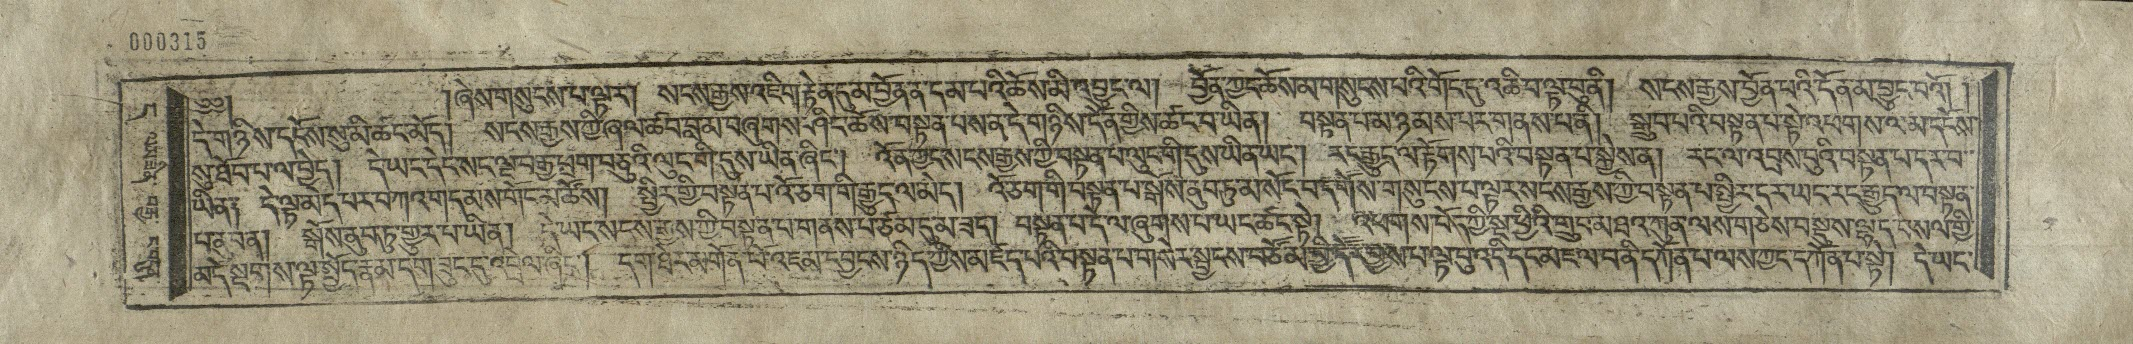༄༅། །ཞེས་གསུངས་པ་ལྟར། སངས་རྒྱས་འཇིག་རྟེན་དུ་མ་བྱོན་ན་དམ་པའི་ཆོས་མི་འབྱུང་ལ། བྱོན་ཀྱང་ཆོས་མ་གསུངས་པའི་གོང་དུ་འཆི་བ་ལྟ་བུ་ནི། སངས་རྒྱས་བྱོན་པའི་དོན་མ་བྱུང་བའོ། །
དེ་གཉིས་དངོས་སུ་མི་ཚང་མོད། སངས་རྒྱས་ཀྱི་ཞལ་ཚབ་བླ་མ་བཞུགས་ཤིང་ཆོས་བསྟན་པས་ན་དེ་གཉིས་དོན་གྱིས་ཚང་བ་ཡིན། བསྟན་པ་མ་ཉམས་པར་གནས་པ་ནི། སྒྲུབ་པའི་བསྟན་པ་སྟེ་འཕགས་ལམ་དངོས་
སུ་ཐོབ་པ་ལ་བྱེད། དེ་ཡང་དེང་སང་ལྔ་བརྒྱ་ཕྲག་བཅུའི་ལུང་གི་དུས་ཡིན་ཞིང་། འོན་ཀྱང་སངས་རྒྱས་ཀྱི་བསྟན་པ་ལུང་གི་དུས་ཡིན་ཡང་། རང་རྒྱུད་ལ་རྟོགས་པའི་བསྟན་པ་སྐྱེས་ན། རང་ལ་འབྲས་བུའི་བསྟན་པ་དར་བ་
ཡིན༑ དེ་ལྟ་མེད་པར་བཀའ་གདམས་གོང་མ་ཚོས། སྤྱིར་གྱི་བསྟན་པ་འོ་ཅག་གི་རྒྱུད་ལ་མེད། འོ་ཅག་གི་བསྟན་པ་སྒོས་ནུབ་ཏུ་མ་སོང་བ་དགོས་གསུངས་པ་ལྟར་སངས་རྒྱས་ཀྱི་བསྟན་པ་སྤྱིར་དར་ཡང་རང་རྒྱུད་ལ་བསྟན་
པ་ནུབ་ན། སྒོས་ནུབ་ཏུ་གྱུར་པ་ཡིན། དེ་ཡང་སངས་རྒྱས་ཀྱི་བསྟན་པ་གནས་པ་ཙམ་དུ་མ་ཟད། བསྟན་པ་དེ་ལ་ཞུགས་པ་ཡང་ཚང་སྟེ། འཕགས་བོད་ཀྱི་སྔ་ཕྱིའི་གྲུབ་མཐའ་ཀུན་ལས་གཅེས་བསྡུས་ལྷད་བསལ་གྱི་
མདོ་སྔགས་ལྟ་སྤྱོད་རྣམ་དག་ཟུང་དུ་འབྲེལ་ཞིང་། དག་ཐེར་མགོན་པོ་འཇམ་དབྱངས་ཉིད་ཀྱིས་མཛད་པའི་བསྟན་པ་གསེར་སྦྱངས་བཙོ་མ་བྱི་དོར་བྱས་པ་ལྟ་བུ་འདི་དང་མཇལ་བ་ནི་དཀོན་པ་ལས་ཀྱང་དཀོན་པ་སྟེ། དེ་ཡང་